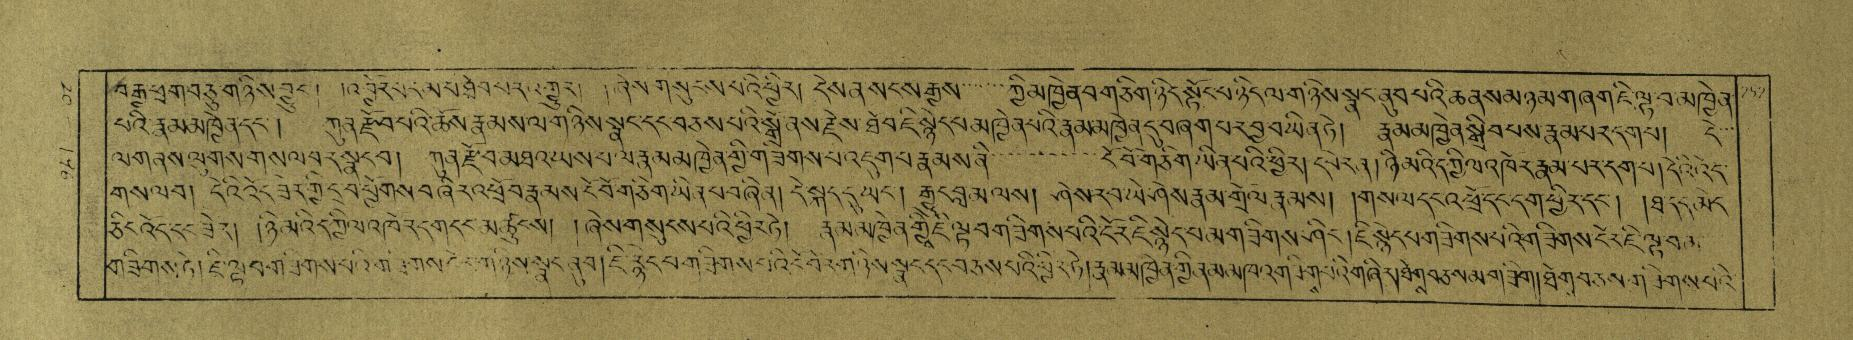བརྒྱ་ཕྲག་བཅུ་གཉིས་བྱུང་། །འབྱོར་པ་དམ་པ་ཐོབ་པར་འགྱུར། །ཞེས་གསུངས་པའི་ཕྱིར། དེས་ན་སངས་རྒྱས་ཀྱི་མཁྱེན་བ་གཅིག་ཉིད་སྟོང་པ་གཉིས་སྣང་ནུབ་པའི་ཆ་ནས་མཉམ་གཞག་ཇི་ལྟ་བ་མཁྱེན་
པའི་རྣམ་མཁྱེན་དང་། ཀུན་རྫོབ་པའི་ཆོས་རྣམས་ལ་གཉིས་སྣང་དང་བཅས་པའི་སྒྲོ་ནས་རྗེས་ཐོབ་ཇི་སྙེད་པ་མཁྱེན་པའི་རྣམ་མཁྱེན་དུ་བཞག་པར་བྱ་བ་ཡིན་ཏེ། རྣམ་མཁྱེན་སྒྲིབ་པས་རྣམ་པར་དག་པ། དེ་
ལ་གནས་ལུགས་གསལ་བར་སྣང་བ། ཀུན་རྫོབ་མཐའ་ཡས་པ་ལ་རྣམ་མཁྱེན་གྱི་གཟིགས་པ་འཇུག་པ་རྣམས་ནི་ངོ་བོ་གཅིག་ཡིན་པའི་ཕྱིར། དཔེར་ན། ཉི་མའི་དཀྱིལ་འཁོར་རྣམ་པར་དག་པ། དེའི་འོང་
གསལ་བ། དེའི་འོད་ཟེར་གྱི་དྲ་བ་ཕྱོགས་བཞིར་འཕྲོ་རྣམ་སྔོ་བོ་གཅིག་ཡིན་པ་བཞིན། དེ་སྐད་དུ་ཡང་། རྒྱུན་བླ་མ་ལས། ཤེས་རབ་ཡེ་ཤེས་རྣམ་གྲོལ་རྣམས། །གསལ་དང་འཕྲོ་དང་དག་ཕྱིར་དང་། །ཐ་དད་མེད་
ཅིང་འོད་དང་ཟེར། །ཉི་མའི་དཀྱིལ་འཁོར་དག་དང་མཚུངས། །ཞེས་གསུངས་པའི་ཕྱིར་ཏེ། རྣམ་མཁྱེན་གྱི་ཇི་ལྟ་བ་གཟིགས་པའི་ངོར་སྙེད་པ་མ་གཟིགས་ཤིང་། ཇི་སྙེད་པ་གཟིགས་པའི་གཟིགས་ངོར་ཇི་ལྟ་བ་མ་
གཟིགས་ཏེ། ཇི་ལྟ་བ་གཟིགས་པའི་གཟིགས་ངོར་གཉིས་སྣང་ནུབ། ཇི་སྙེད་པ་གཟིགས་པའི་ངོ་བོར་གཉིས་སྣང་དང་བཅས་པའི་ཕྱིར་ཏེ། རྣམ་མཁྱེན་གྱི་ནམ་མཁའ་གཟིགས་པའི་གཞིར། ཐོགས་བཅས་མ་གཟིག། ཐོགས་བཅས་གཟིགས་པའི་